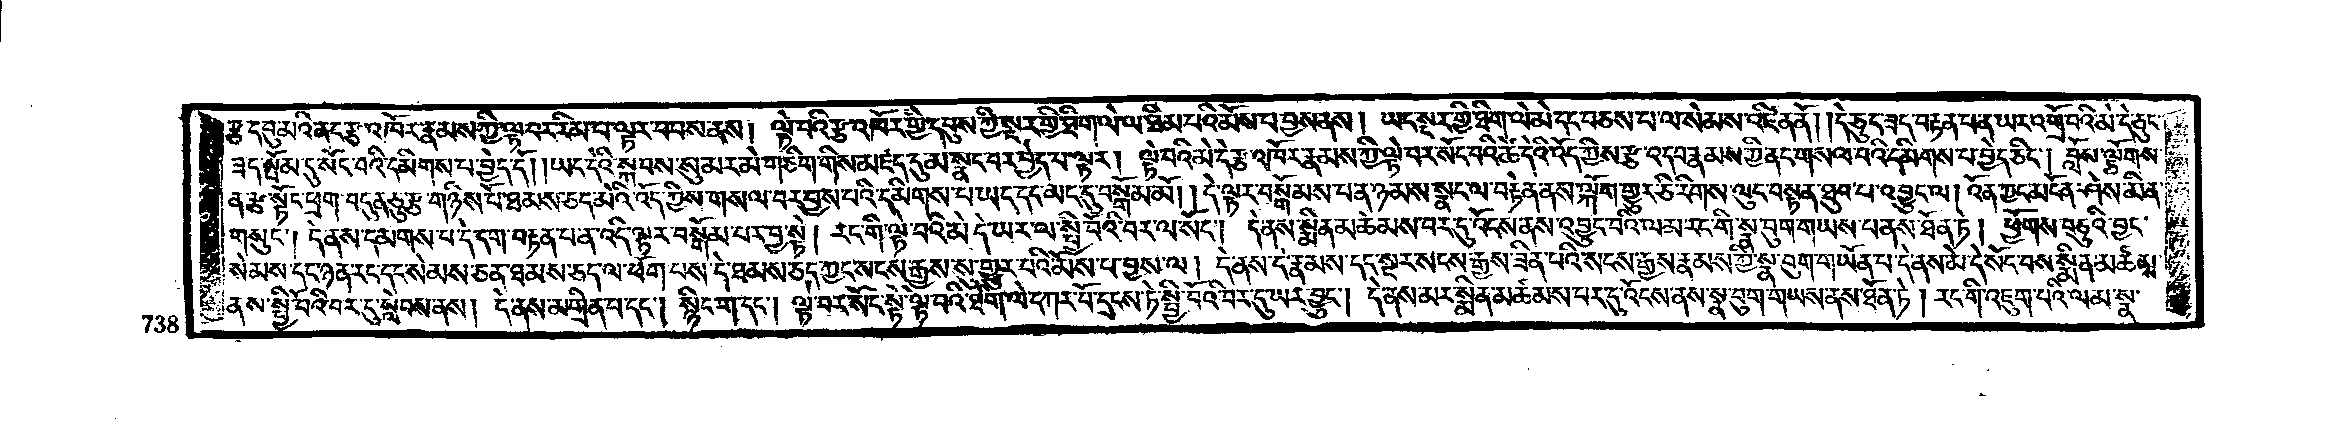རྩ་དབུ་མའི་ནང་རྩ་འཁོར་རྣམས་ཀྱི་ལྟེ་བར་རིམ་པ་ལྟར་བབས་ནས། ལྟེ་བའི་རྩ་འཁོར་གྱི་དབུས་ཀྱི་སྔར་གྱི་ཐིག་ལེ་ལ་ཐིམ་པའི་མོས་པ་བྱས་ནས། ཡང་སྔར་གྱི་ཐིག་ལེ་མེ་དང་བཅས་པ་ལ་སེམས་འཛིན་ནོ། །དེ་ཅུང་ཟད་བརྟན་པ་ན་ཡར་འགྲོ་བའི་མེ་དེ་ཅུང་
ཟད་སྦོམ་དུ་སོང་བའི་དམིགས་པ་བྱེད་དོ། །ཡང་དེའི་སྐབས་སུ་མར་མེ་གཅིག་གིས་མཛད་དུ་མ་སྣང་བར་བྱེད་པ་ལྟར། ལྟེ་བའི་མེ་དེ་རྩ་འཁོར་རྣམས་ཀྱི་ལྟེ་བར་སོང་བའི་ཚེ་དེའི་འོད་ཀྱིས་རྩ་འདབ་རྣམས་ཀྱི་ནང་གསལ་བའི་དམིགས་པ་བྱེད་ཅིང་། བློས་ལྕོགས་
ནས་རྩ་སྟོང་ཕྲག་བདུན་ཅུ་རྩ་གཉིས་པོ་ཐམས་ཅད་མེའི་འོད་ཀྱིས་གསལ་བར་བྱས་པའི་དམིགས་པ་ཡང་དང་ཡང་དུ་བསྒོམ་མོ། །དེ་ལྟར་བསྒོམས་པ་ན་ཉམས་སྣང་ལ་བརྟེན་ནས་ལྐོག་གྱུར་ཅི་རིགས་ལུང་བསྟན་ཐུབ་པ་འབྱུང་ལ། འོན་ཀྱང་མངོན་ཤེས་མིན་
གསུང་། དེ་ནས་དམིགས་པ་དེ་དག་བརྟན་པ་ན་འདི་ལྟར་བསྒོམ་པར་བྱ་སྟེ། རང་གི་ལྟེ་བའི་མེ་དེ་ཡར་ལ་སྤྱི་བོའི་བར་ལ་སོང་། དེ་ནས་སྨིན་མཚམས་བར་དུ་འོངས་ནས་འབྱུང་བའི་ལམ་རང་གི་སྣ་བུག་གཡས་པ་ནས་ཐོན་ཏེ། ཕྱོགས་བཅུའི་བྱང་
སེམས་དང་ཉན་རང་དང་སེམས་ཅན་ཐམས་ཅད་ལ་ཕོག་པས་དེ་ཐམས་ཅད་ཀྱང་སངས་རྒྱས་སུ་གྱུར་པའི་མོས་པ་བྱས་ལ། དེ་ནས་དེ་རྣམས་དང་སྔར་སངས་རྒྱས་ཟིན་པའི་སངས་རྒྱས་རྣམས་ཀྱི་སྣ་བུག་གཡོན་པ་དེ་ནས་མེ་དེ་སོང་བས་སྨིན་མཚམས་
ནས་སྤྱི་བོའི་བར་དུ་སླེབས་ནས། དེ་ནས་མགྲིན་པ་དང་། སྙིང་ག་དང་། ལྟེ་བར་སོང་སྟེ་ལྟེ་བའི་ཐིག་ལེ་དཀར་པོ་དྲངས་ཏེ་སྤྱི་བོའི་བར་དུ་ཡར་བྱུང་། དེ་ནས་མར་སྨིན་མཚམས་བར་དུ་འོངས་ནས་སྣ་བུག་གཡས་ནས་ཐོན་ཏེ། རང་གི་འཇུག་པའི་ལམ་སྣ་